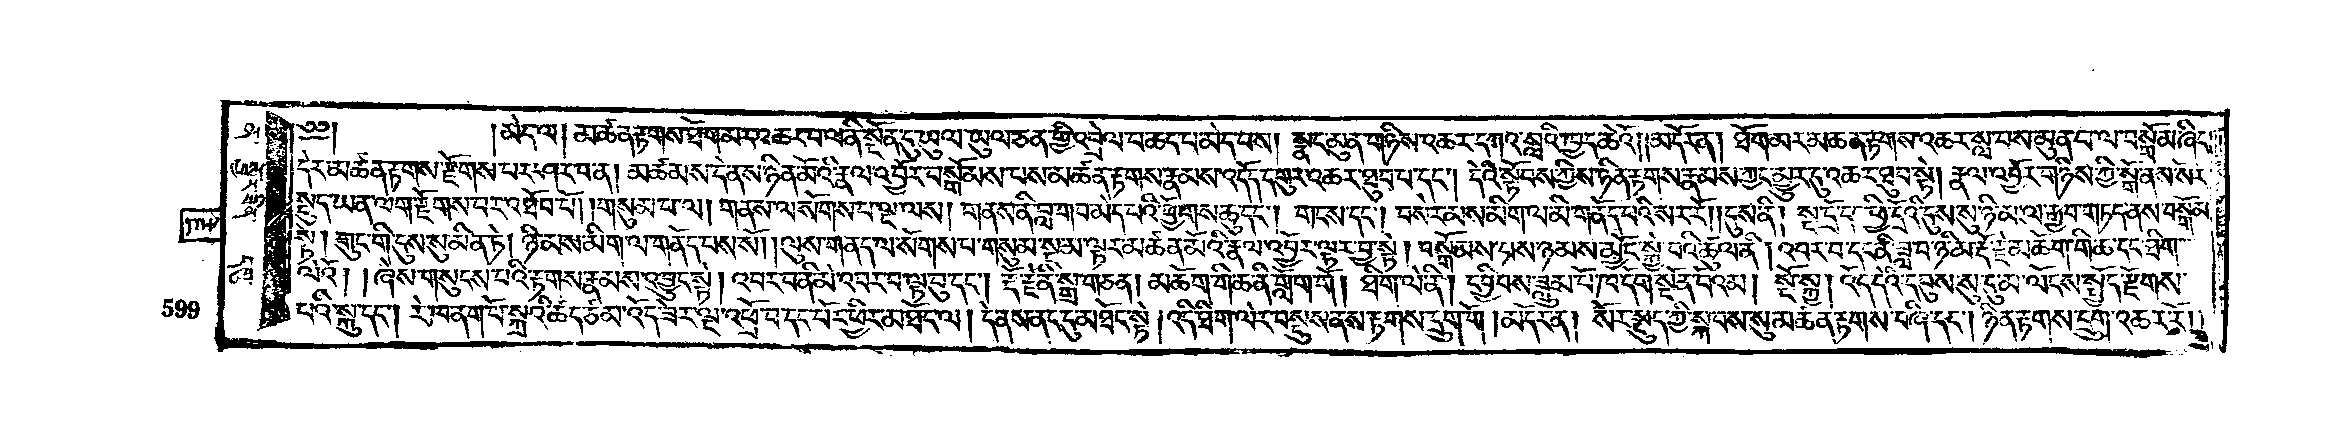༄༅། །མེད་ལ། མཚན་རྟགས་ཐོག་མར་འཆར་བ་ལ་ནི་སྔོན་དུ་ཡུལ་ཡུལ་ཅན་གྱི་འབྲེལ་པ་ཆད་པ་མེད་པས། སྣང་མུན་གཉིས་འཆར་དཀའ་སླའི་ཁྱད་ཆེའོ། །མདོར་ན། ཐོག་མར་མཚན་རྟགས་འཆར་སླ་བས་མུན་པ་ལ་བསྒོམ་ཞིང་
དེར་མཚན་རྟགས་རྫོགས་པར་ཤར་བ་ན། མཚམས་དེ་ནས་ཉིན་མོའི་རྣལ་འབྱོར་བསྒོམས་པས་མཚན་རྟགས་རྣམས་འདོད་དགུར་འཆར་ཐུབ་པ་དང་། དེའི་སྟོབས་ཀྱིས་ཉིན་རྟགས་རྣམས་ཀྱང་མྱུར་དུ་འཆར་ཐུབ་སྟེ། རྣལ་འབྱོར་གཉིས་ཀྱི་སྒོ་ནས་སོར་
སྡུད་ཡན་ལག་རྫོགས་པར་འཐོབ་པོ། །གསུམ་པ་ལ། གནས་ལ་སོགས་པ་ལྔ་ལས། གནས་ནི་བླ་གབ་མེད་པའི་ཕྱོགས་ཆུ་དང་། གངས་དང་། བསེར་མས་མིག་ལ་མི་གནོད་པའི་སར་རེ། །དུས་ནི། སྔ་དྲོ་དང་ཕྱི་དྲོའི་དུས་སུ་ཉི་མ་ལ་རྒྱབ་གཏད་ནས་བསྒོམ་
སྟེ། གུང་གི་དུས་སུ་མིན་ཏེ། ཉི་མས་མིག་ལ་གནོད་པས་སོ། །ལུས་གནད་ལ་སོགས་པ་གསུམ་སྔ་མ་ལྟར་མཚན་མོའི་རྣལ་འབྱོར་ལྟར་བྱ་སྟེ། བསྒོམས་པས་ཉམས་མྱོང་སྐྱེ་བའི་ཚུལ་ནི། འབར་བ་དང་ནི་ཟླ་བ་ཉི་མ་རྡོ་རྗེ་མཆོག་གི་ཆ་དང་ཐིག་
ལེའོ། །ཞེས་གསུངས་པའི་རྟགས་རྣམས་འབྱུང་སྟེ། འབར་བ་ནི་མེ་འབར་བ་ལྟ་བུ་དང་། རྡོ་རྗེ་ནི་སྒྲ་གཅན། མཆོག་གི་ཆ་ནི་གློག་གོ །ཐིག་ལེ་ནི། དབྱིབས་ཟླུམ་པོ་ཁ་དོག་སྔོན་པོའམ། སྔོ་སྐྱ། འོད་དེའི་དབུས་སུ་དུ་མ་ལོངས་སྤྱོད་རྫོགས་
པའི་སྐུ་དང་། རེ་ཁ་ནག་པོ་སྐྲའི་ཚད་ཙམ་འོད་ཟེར་ལྔ་འཕྲོ་བ་དང་པོར་ཕྱིར་མཐོང་ལ། དེ་ནས་ནང་དུ་མཐོང་སྟེ། འདི་ཐིག་ལེར་བསྡུས་ནས་རྟགས་དྲུག་གོ །མདོར་ན། སོར་སྡུད་ཀྱི་སྐབས་སུ་མཚན་རྟགས་བཞི་དང་། ཉིན་རྟགས་དྲུག་འཆར་རོ། །